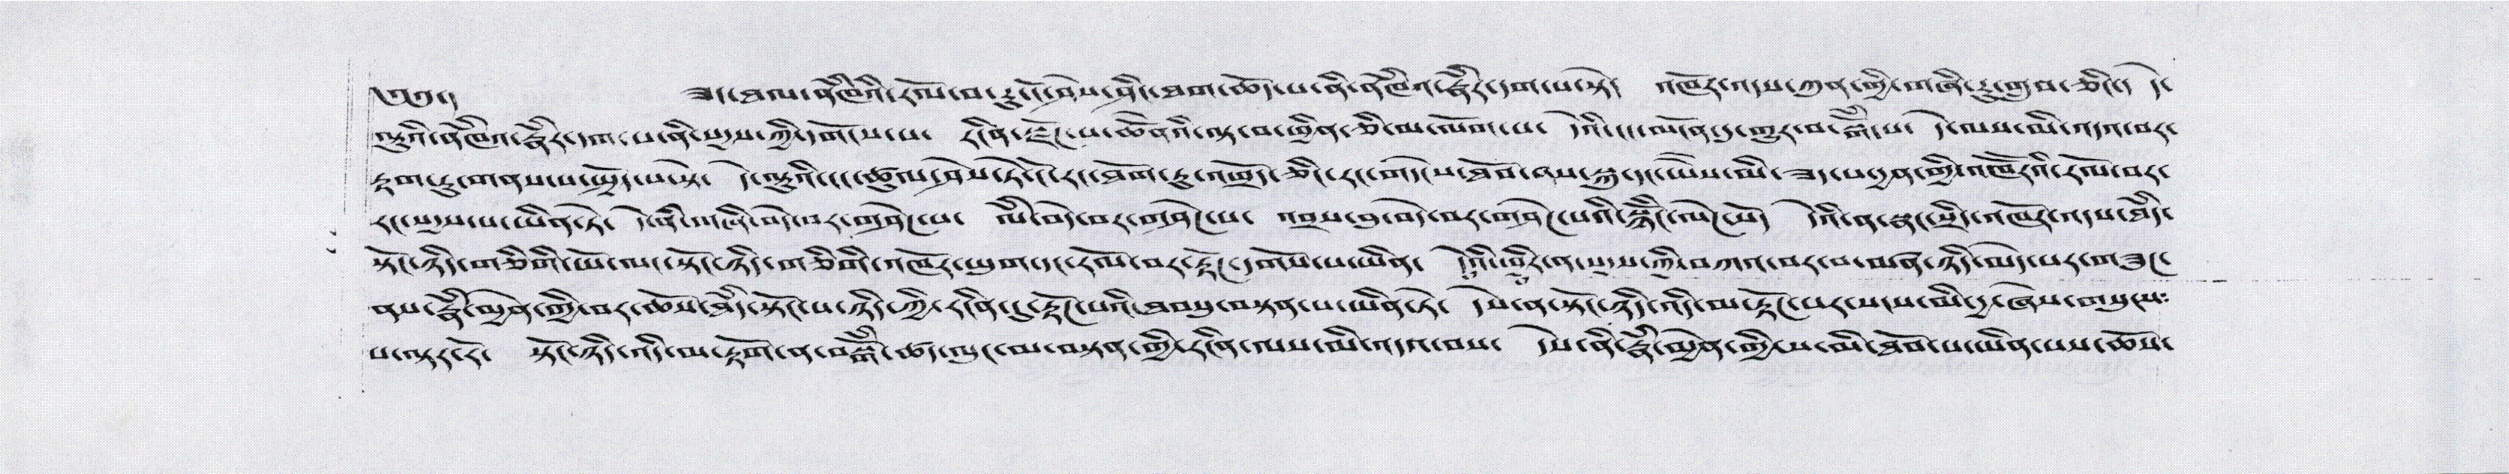ཟང་ཐལ་ནམ་མཁའི་རོལ་པ་རུ་ངོ་ཤེས་ཤིང་ཐག་ཆོད་པ་ནི་ནམ་མཁའ་རྣམ་པར་དག་པ་སྟེ། འཁོར་འདས་ཀུན་གྱི་གཞི་རུ་གྲུབ་ཅིང་། དེ་
ལྟ་བུའི་ནམ་མཁའ་རྣམ་པར་དག་པ་ནི་སངས་རྒྱས་ཀྱི་དགོངས་པ། རང་བཞིན་རྫོགས་པ་ཆེན་པོའི་ལྟ་བ་ཕྱིན་ཅི་མ་ལོག་པ། དེའི་ངང་མངོན་དུ་གྱུར་པ་སྒོམ་པ། དེ་ལས་མི་འདའ་བར་
རྟག་ཏུ་གནས་པ་སྤྱོད་པ་སྟེ། དེ་ལྟ་བུའི་ངང་ཚུལ་ཤེས་ཏེ་ངོ་རང་ཐོག་ཏུ་འཕྲོད་ནས་རང་གདེངས་ཐོབ་ནས་སྐུ་དང་ཡེ་ཤེས་མི་བཟད་པ་རྒྱན་གྱི་འཁོར་ལོའི་རོལ་པར་
རང་སངས་རྒྱས་པ་ཡིན་ཏེ། དེ་ནི་གཞི་བདེ་བར་གཤེགས་པ། ལམ་བདེ་བར་གཤེགས་པ། འབྲས་བུ་བདེ་བར་གཤེགས་པའི་སྙིང་པོ་ལེགས་སོ། དེས་ན་སྣང་སྲིད་འཁོར་འདས་ཐམས་ཅད་
སྟོང་ཉིད་གཅིག་གི་ཡོ་ལང་སྟོང་ཉིད་གཅིག་གི་འཁོར་ཡུག་དང་རོལ་པར་རྟོགས་དགོས་པ་ཡིན། དེའི་ཕྱིར་ན་སངས་རྒྱས་ཀྱི་བཀའ་བར་པ་མཚན་ཉིད་མེད་པར་གཟུགས་
ནས་རྣམ་མཁྱེན་གྱི་བར་ཆོས་ཐམས་ཅད་སྟོང་པ་ཉིད་ཀྱི་རང་བཞིན་དུ་རྟོགས་པའི་ཐབས་སུ་བསྟན་པ་ཡིན་ཏེ། དེས་ན་སྟོང་ཉིད་འདི་མ་རྟོགས་པར་སངས་མི་རྒྱ་ཞེས་གསུངས་
པ་ལྟར་རོ། སྟོང་ཉིད་འདི་མ་རྟོགས་ན་བསྒོམ་ཚད་ལུང་མ་བསྟན་གྱི་རང་བཞིན་ལས་མི་འདའ་བས། དེས་ནི་རྣམ་མཁྱེན་གྱི་ས་མི་ཐོབ་པ་ཡིན་པས་ཆོས་